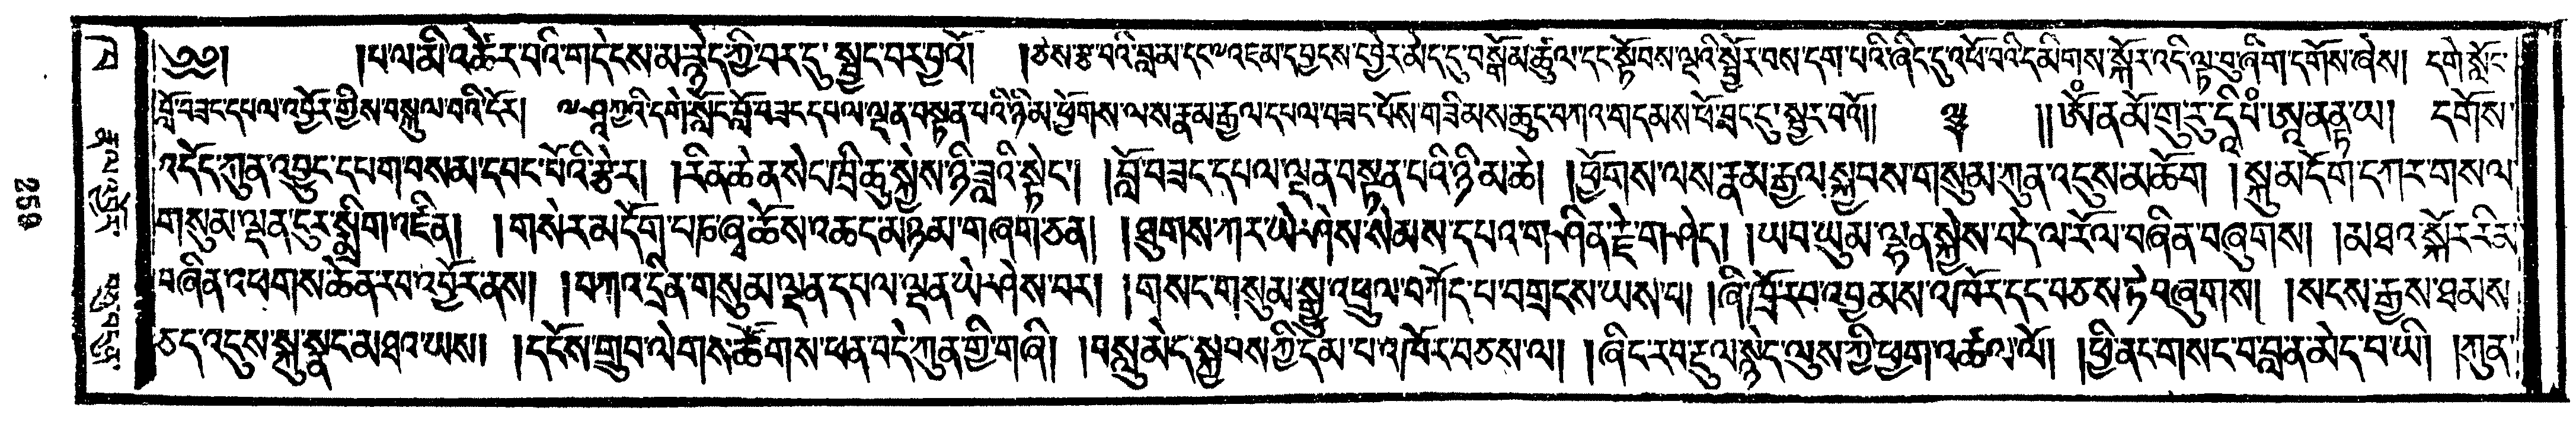༄༅། །པ་ལ་མི་འཚེར་བའི་གདེངས་མ་རྙེད་ཀྱི་བར་དུ་སྦྱང་བར་བྱའོ། །ཅེས་རྩ་བའི་བླ་མ་དང་༧་འཇམ་དབྱངས་དབྱེར་མེད་དུ་བསྒོམ་ཚུལ་དང་སྟོབས་ལྔའི་སྦྱོར་བས་དག་པའི་ཞིང་དུ་འཕོ་བའི་དམིགས་སྐོར་འདི་ལྟ་བུ་ཞིག་དགོས་ཞེས། དགེ་སློང་
བློ་བཟང་དཔལ་འབྱོར་གྱིས་བསྐུལ་བའི་ངོར། ༧་ཤཱཀྱའི་དགེ་སློང་བློ་བཟང་དཔལ་ལྡན་བསྟན་པའི་ཉི་མ་ཕྱོགས་ལས་རྣམ་རྒྱལ་དཔལ་བཟང་པོས་གཟིམས་ཆུང་བཀའ་གདམས་ཕོ་བྲང་དུ་སྦྱར་བའོ།། ༈ །།ཨོཾ་ན་མོ་གུ་རུ་དཱི་པཾ་ཨཱ་ནནྟ་ཡ། དགོས་
འདོད་ཀུན་འབྱུང་དཔག་བསམ་དབང་པོའི་རྩེར། །རིན་ཆེན་སེང་ཁྲི་ཆུ་སྐྱེས་ཉི་ཟླའི་སྟེང་། །བློ་བཟང་དཔལ་ལྡན་བསྟན་པའི་ཉི་མ་ཆེ། །ཕྱོགས་ལས་རྣམ་རྒྱལ་སྐྱབས་གསུམ་ཀུན་འདུས་མཆོག །སྐུ་མདོག་དཀར་གསལ་
གསུམ་ལྡན་དུར་སྨྲིག་འཛིན། །གསེར་མདོག་པཎ་ཞྭ་ཆོས་འཆད་མཉམ་གཞག་ཅན། །ཐུགས་ཀར་ཡེ་ཤེས་སེམས་དཔའ་གཤིན་རྗེ་གཤེད། །ཡབ་ཡུམ་ལྷན་སྐྱེས་བདེ་ལ་རོལ་བཞིན་བཞུགས། །མཐའ་སྐོར་རིམ་
བཞིན་འཕགས་ཆེན་རབ་འབྱོར་ནས། །བཀའ་དྲིན་གསུམ་ལྡན་དཔལ་ལྡན་ཡེ་ཤེས་བར། །གསང་གསུམ་སྒྱུ་འཕྲུལ་བཀོད་པ་བགྲངས་ཡས་པ། །ཞི་ཁྲོ་རབ་འབྱམས་འཁོར་དང་བཅས་ཏེ་བཞུགས། །སངས་རྒྱས་ཐམས་
ཅད་འདུས་སྐུ་སྣང་མཐའ་ཡས། །དངོས་གྲུབ་ལེགས་ཚོགས་ཕན་བདེ་ཀུན་གྱི་གཞི། །བསླུ་མེད་སྐྱབས་ཀྱི་དམ་པ་འཁོར་བཅས་ལ། །ཞིང་རབ་རྡུལ་སྙེད་ལུས་ཀྱི་ཕྱག་འཚལ་ལོ། །ཕྱི་ནང་གསང་བ་བླ་ན་མེད་པ་ཡི། །ཀུན་